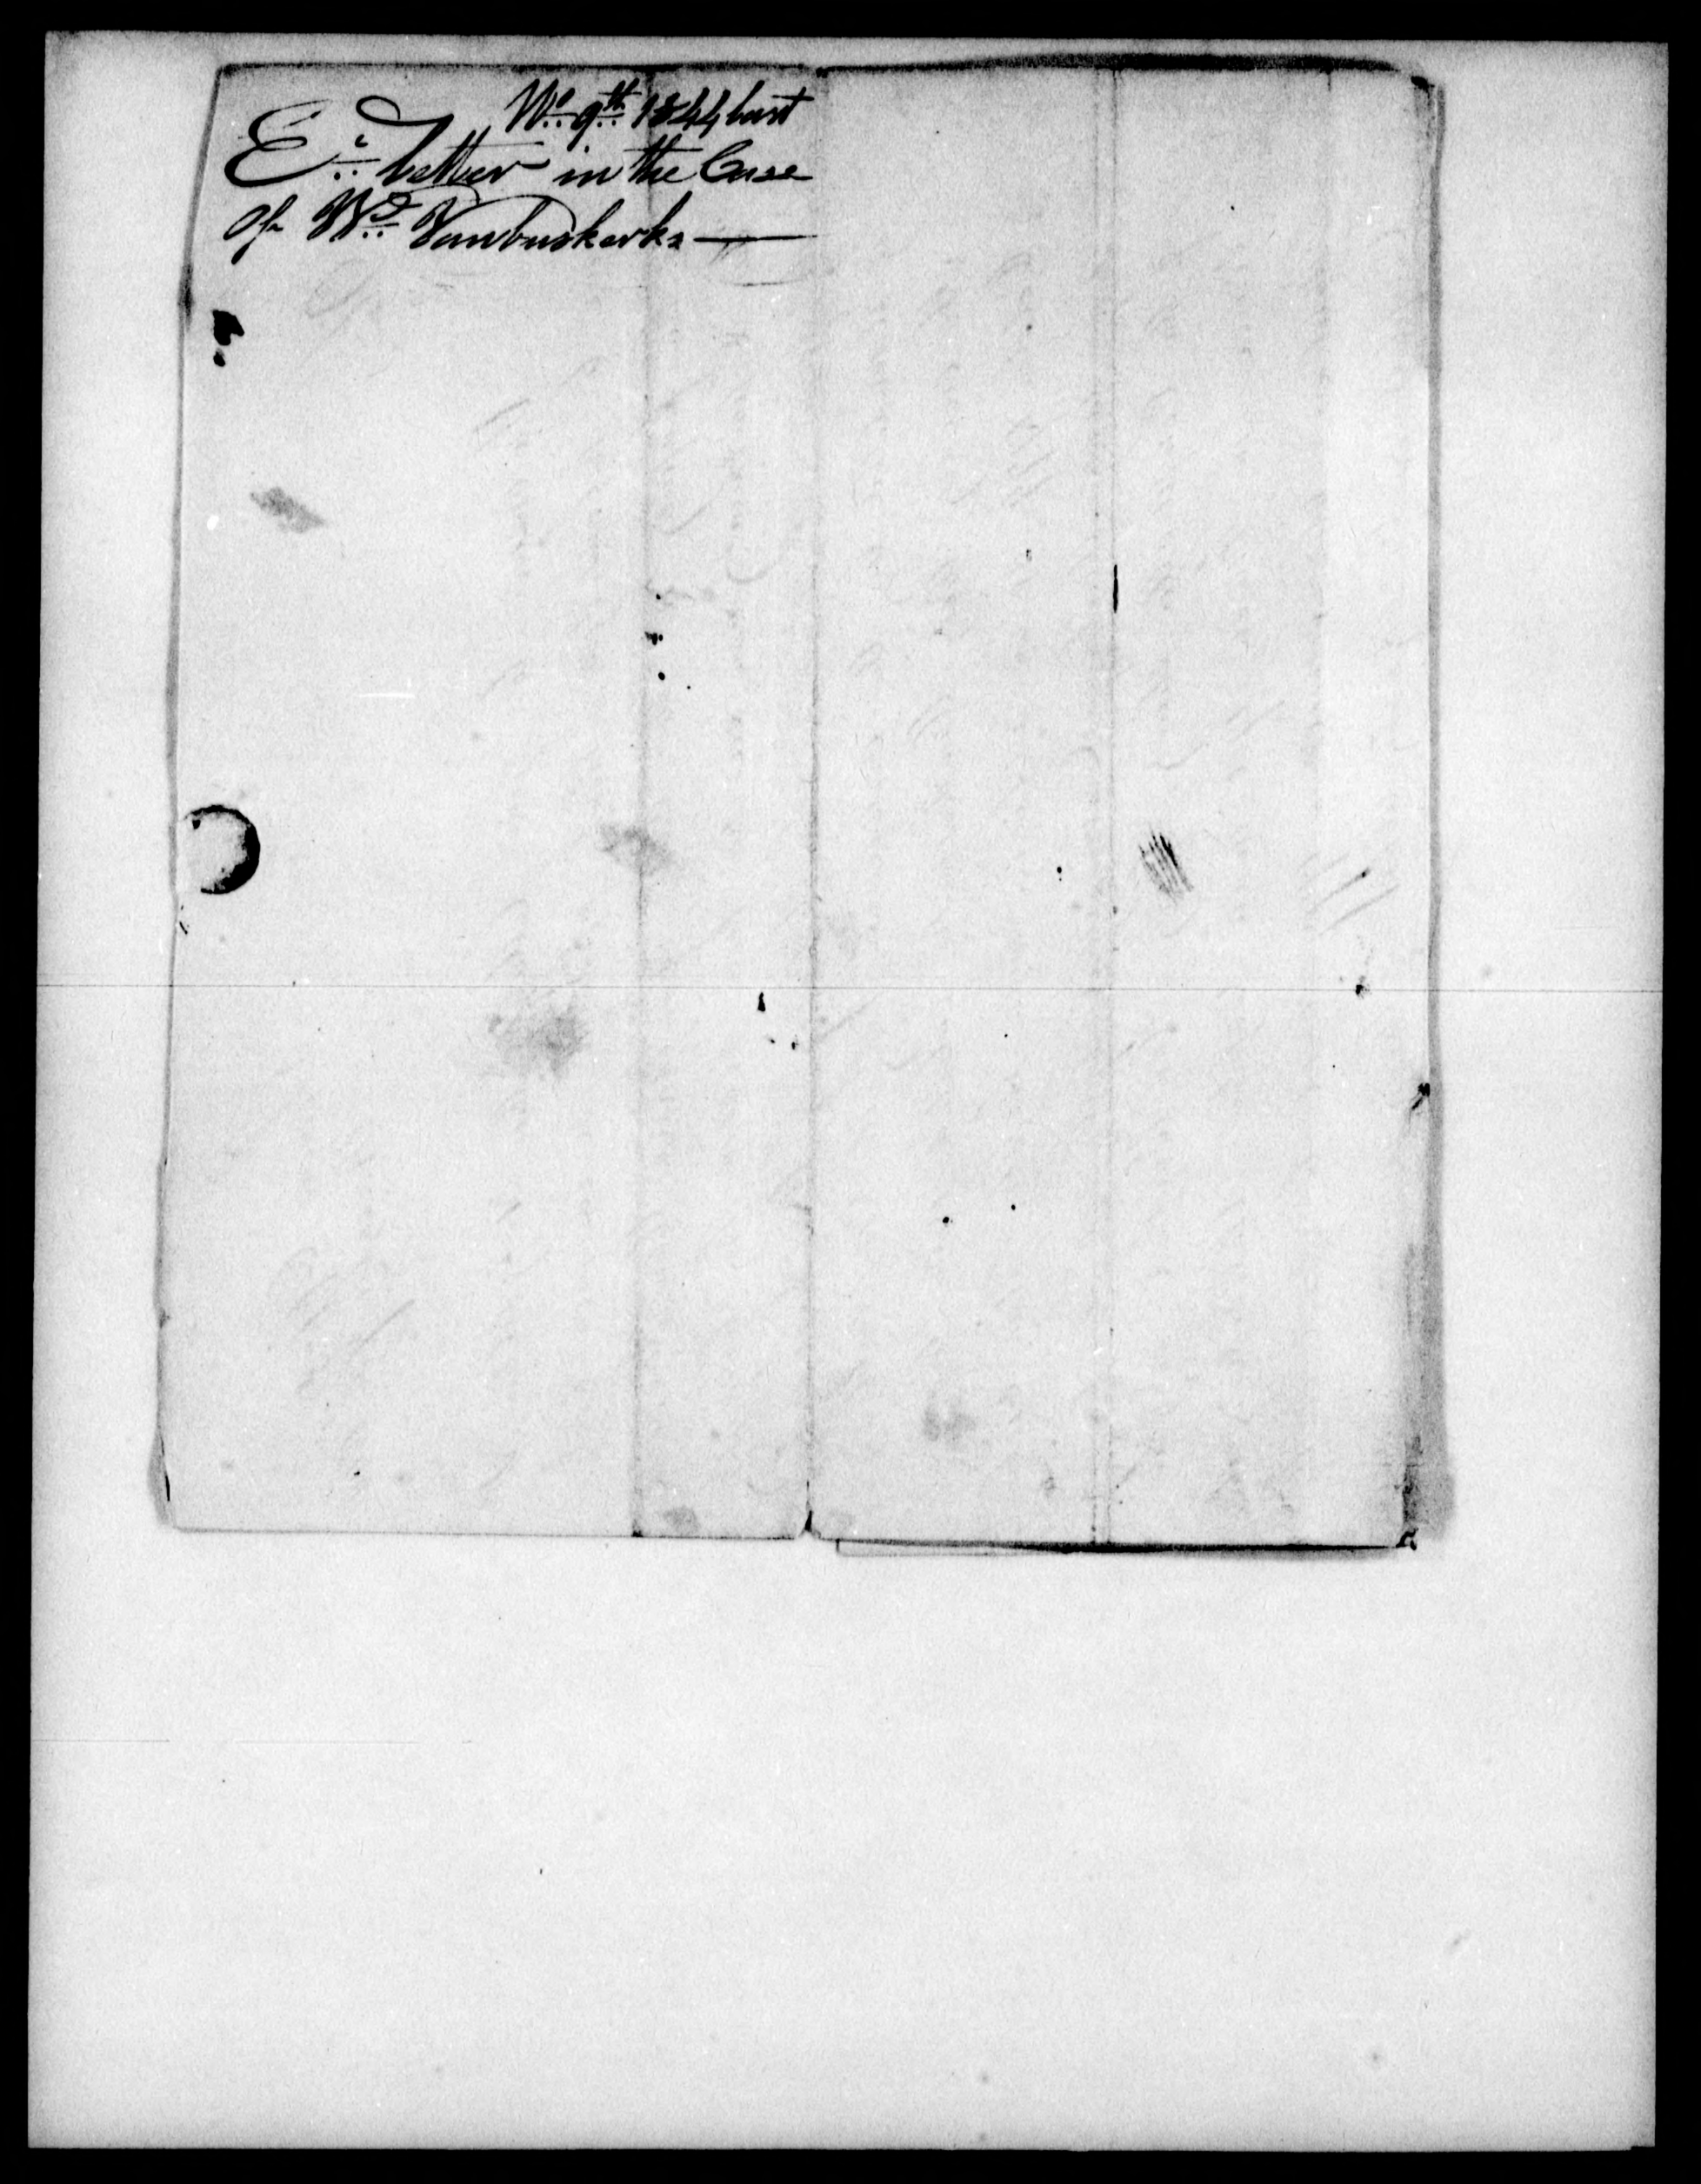No 9th 1844 last

E letter in the case of M Vanbuskerks -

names: W J Vanbuskerks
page: 35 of 70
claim: rejected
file: R. 10,832, Martin Van Buskirk, New York.